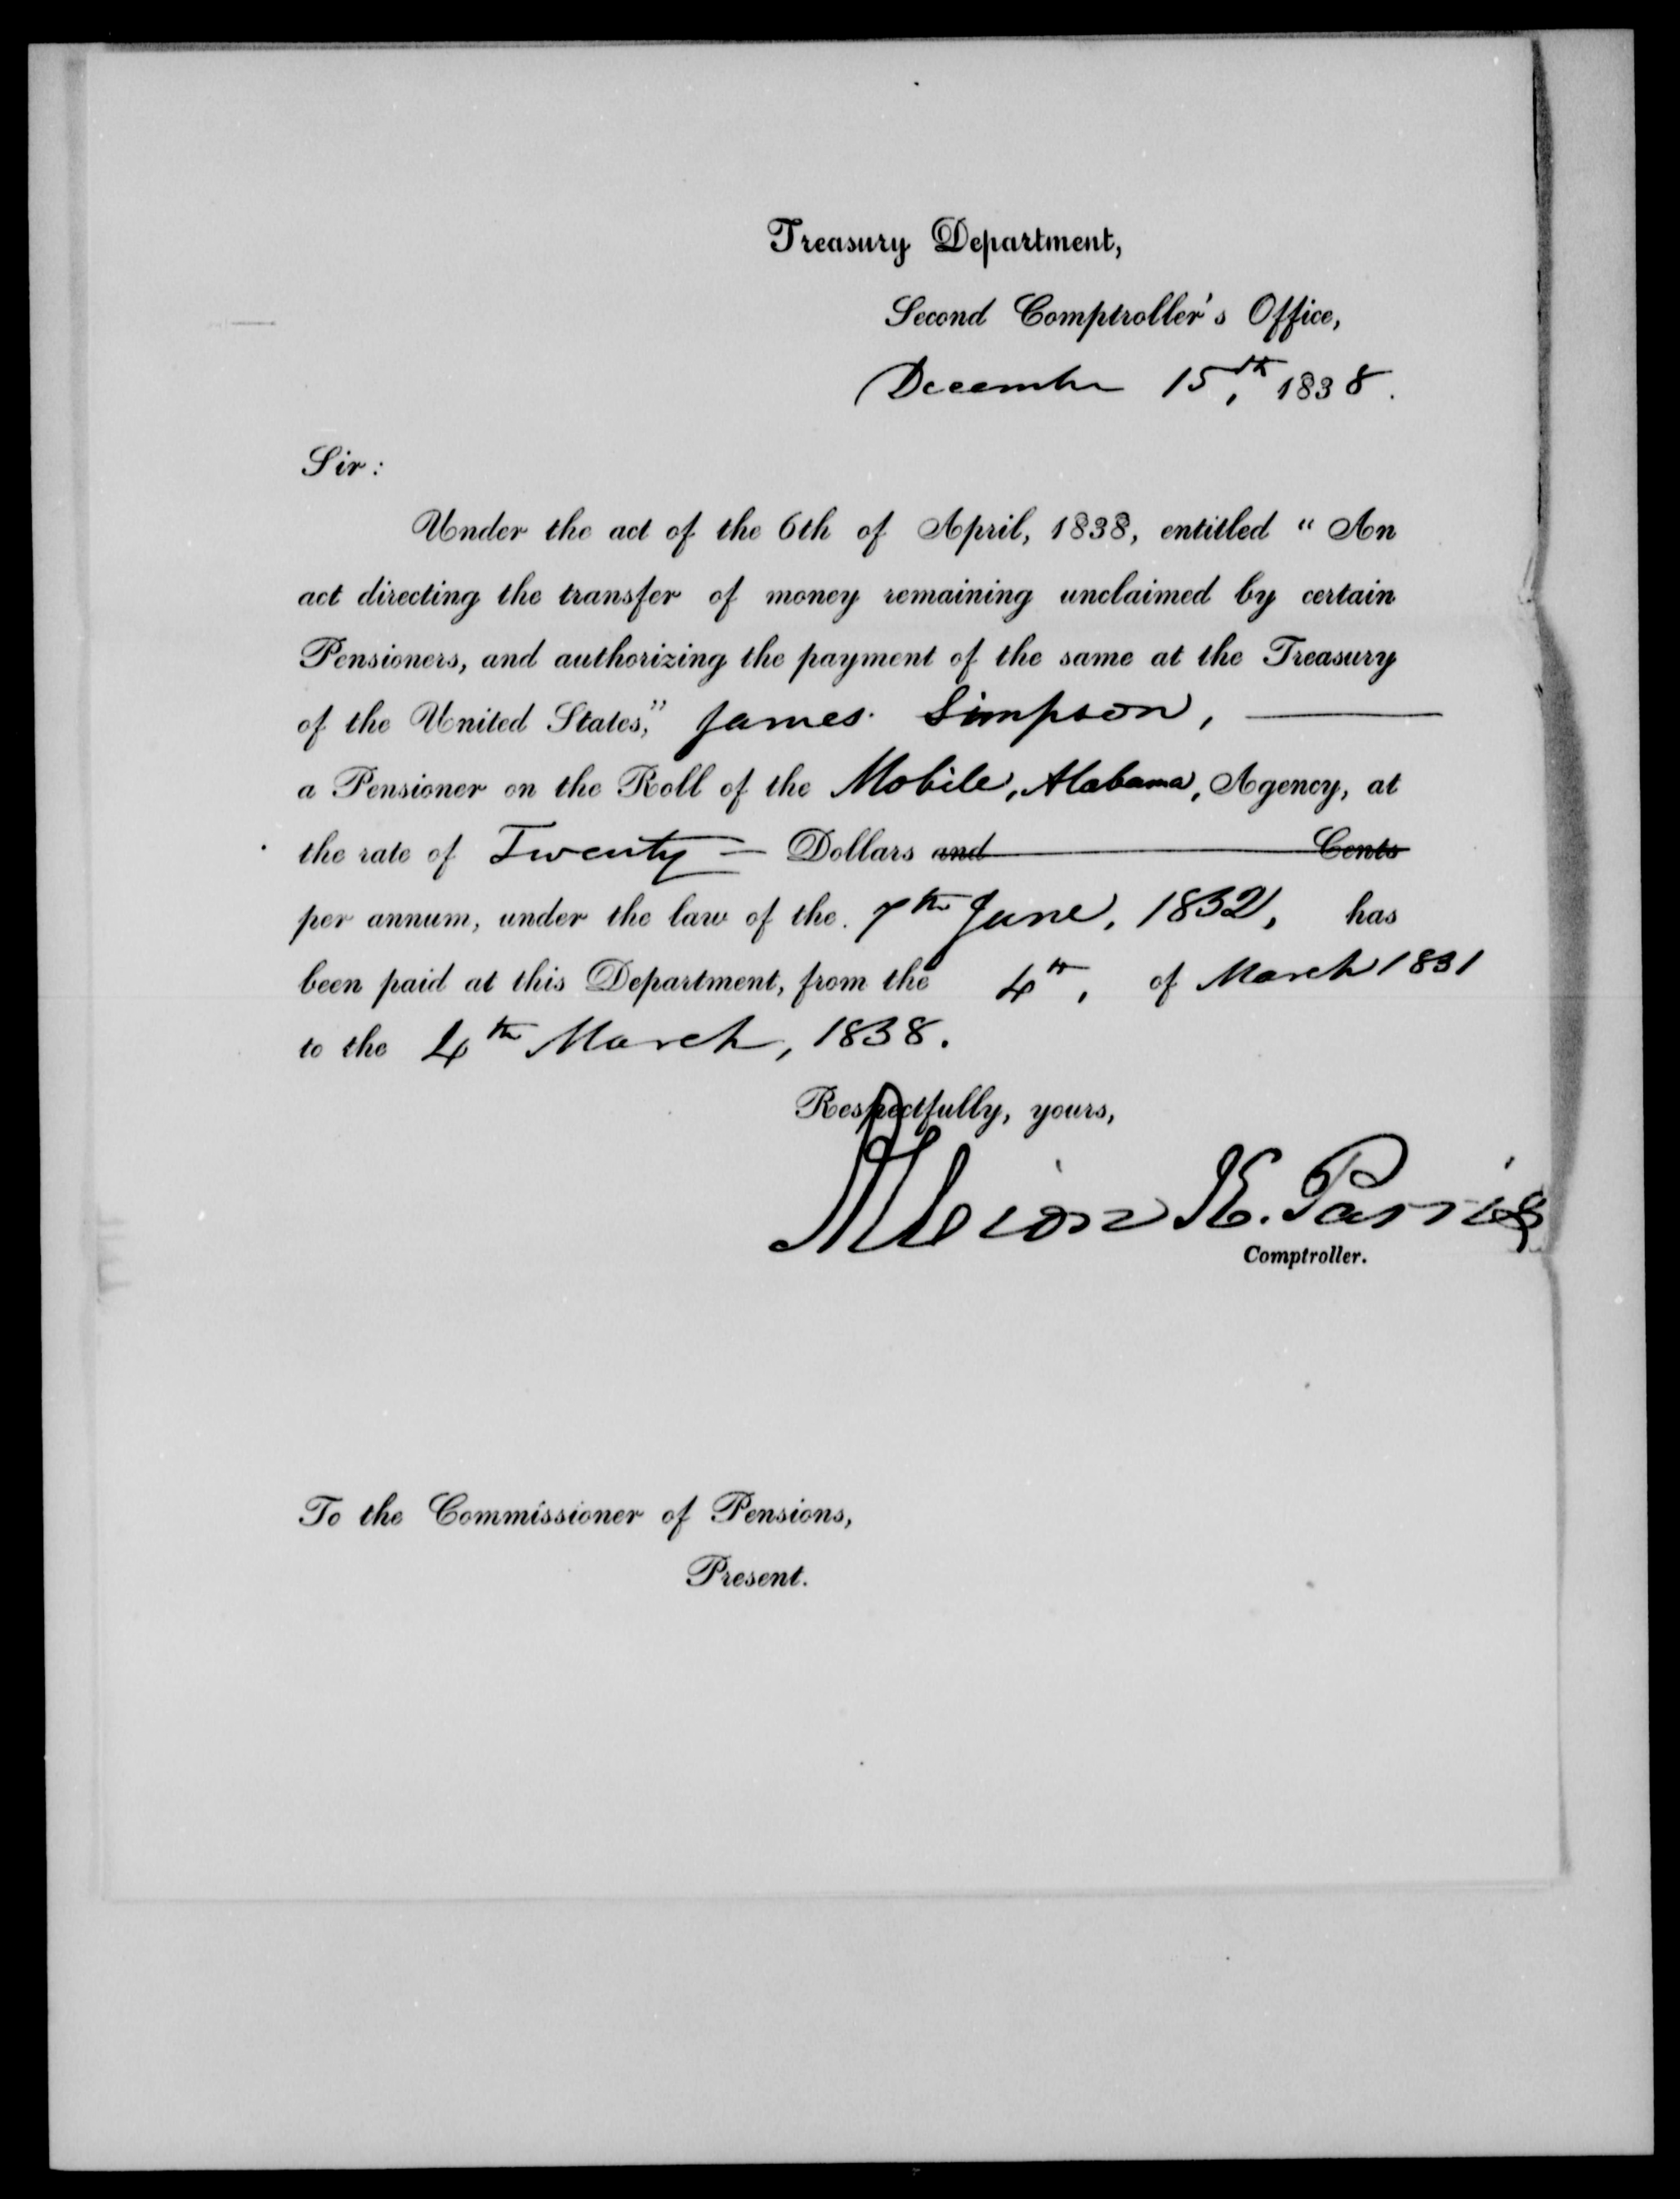Treasury Department,
Second Comptroller's Office,
December 15th, 1838.

Sir:
Under the act of the 6th of April, 1838, entitled "An act directing the transfer of money remaining unclaimed by certain Pensioners, and authorizing the payment of the same at the Treasury of the United States," James Simpson, -- a Pensioner on the Roll of the Mobile, Ala Agency at the rate of Twenty Dollars per annum, under the law of the 7th June 1832, has been paid at this Department, from the 4th, of March 1831, to the 4th March 1838.
Respectfully, yours,
Albion K. Parris
Comptroller.

To the Commissioner of Pensions,
    Present.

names: Albion K Parris; James Simpson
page: 14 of 17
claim: survivor's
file: S. 11401, for James Simpson, South Carolina